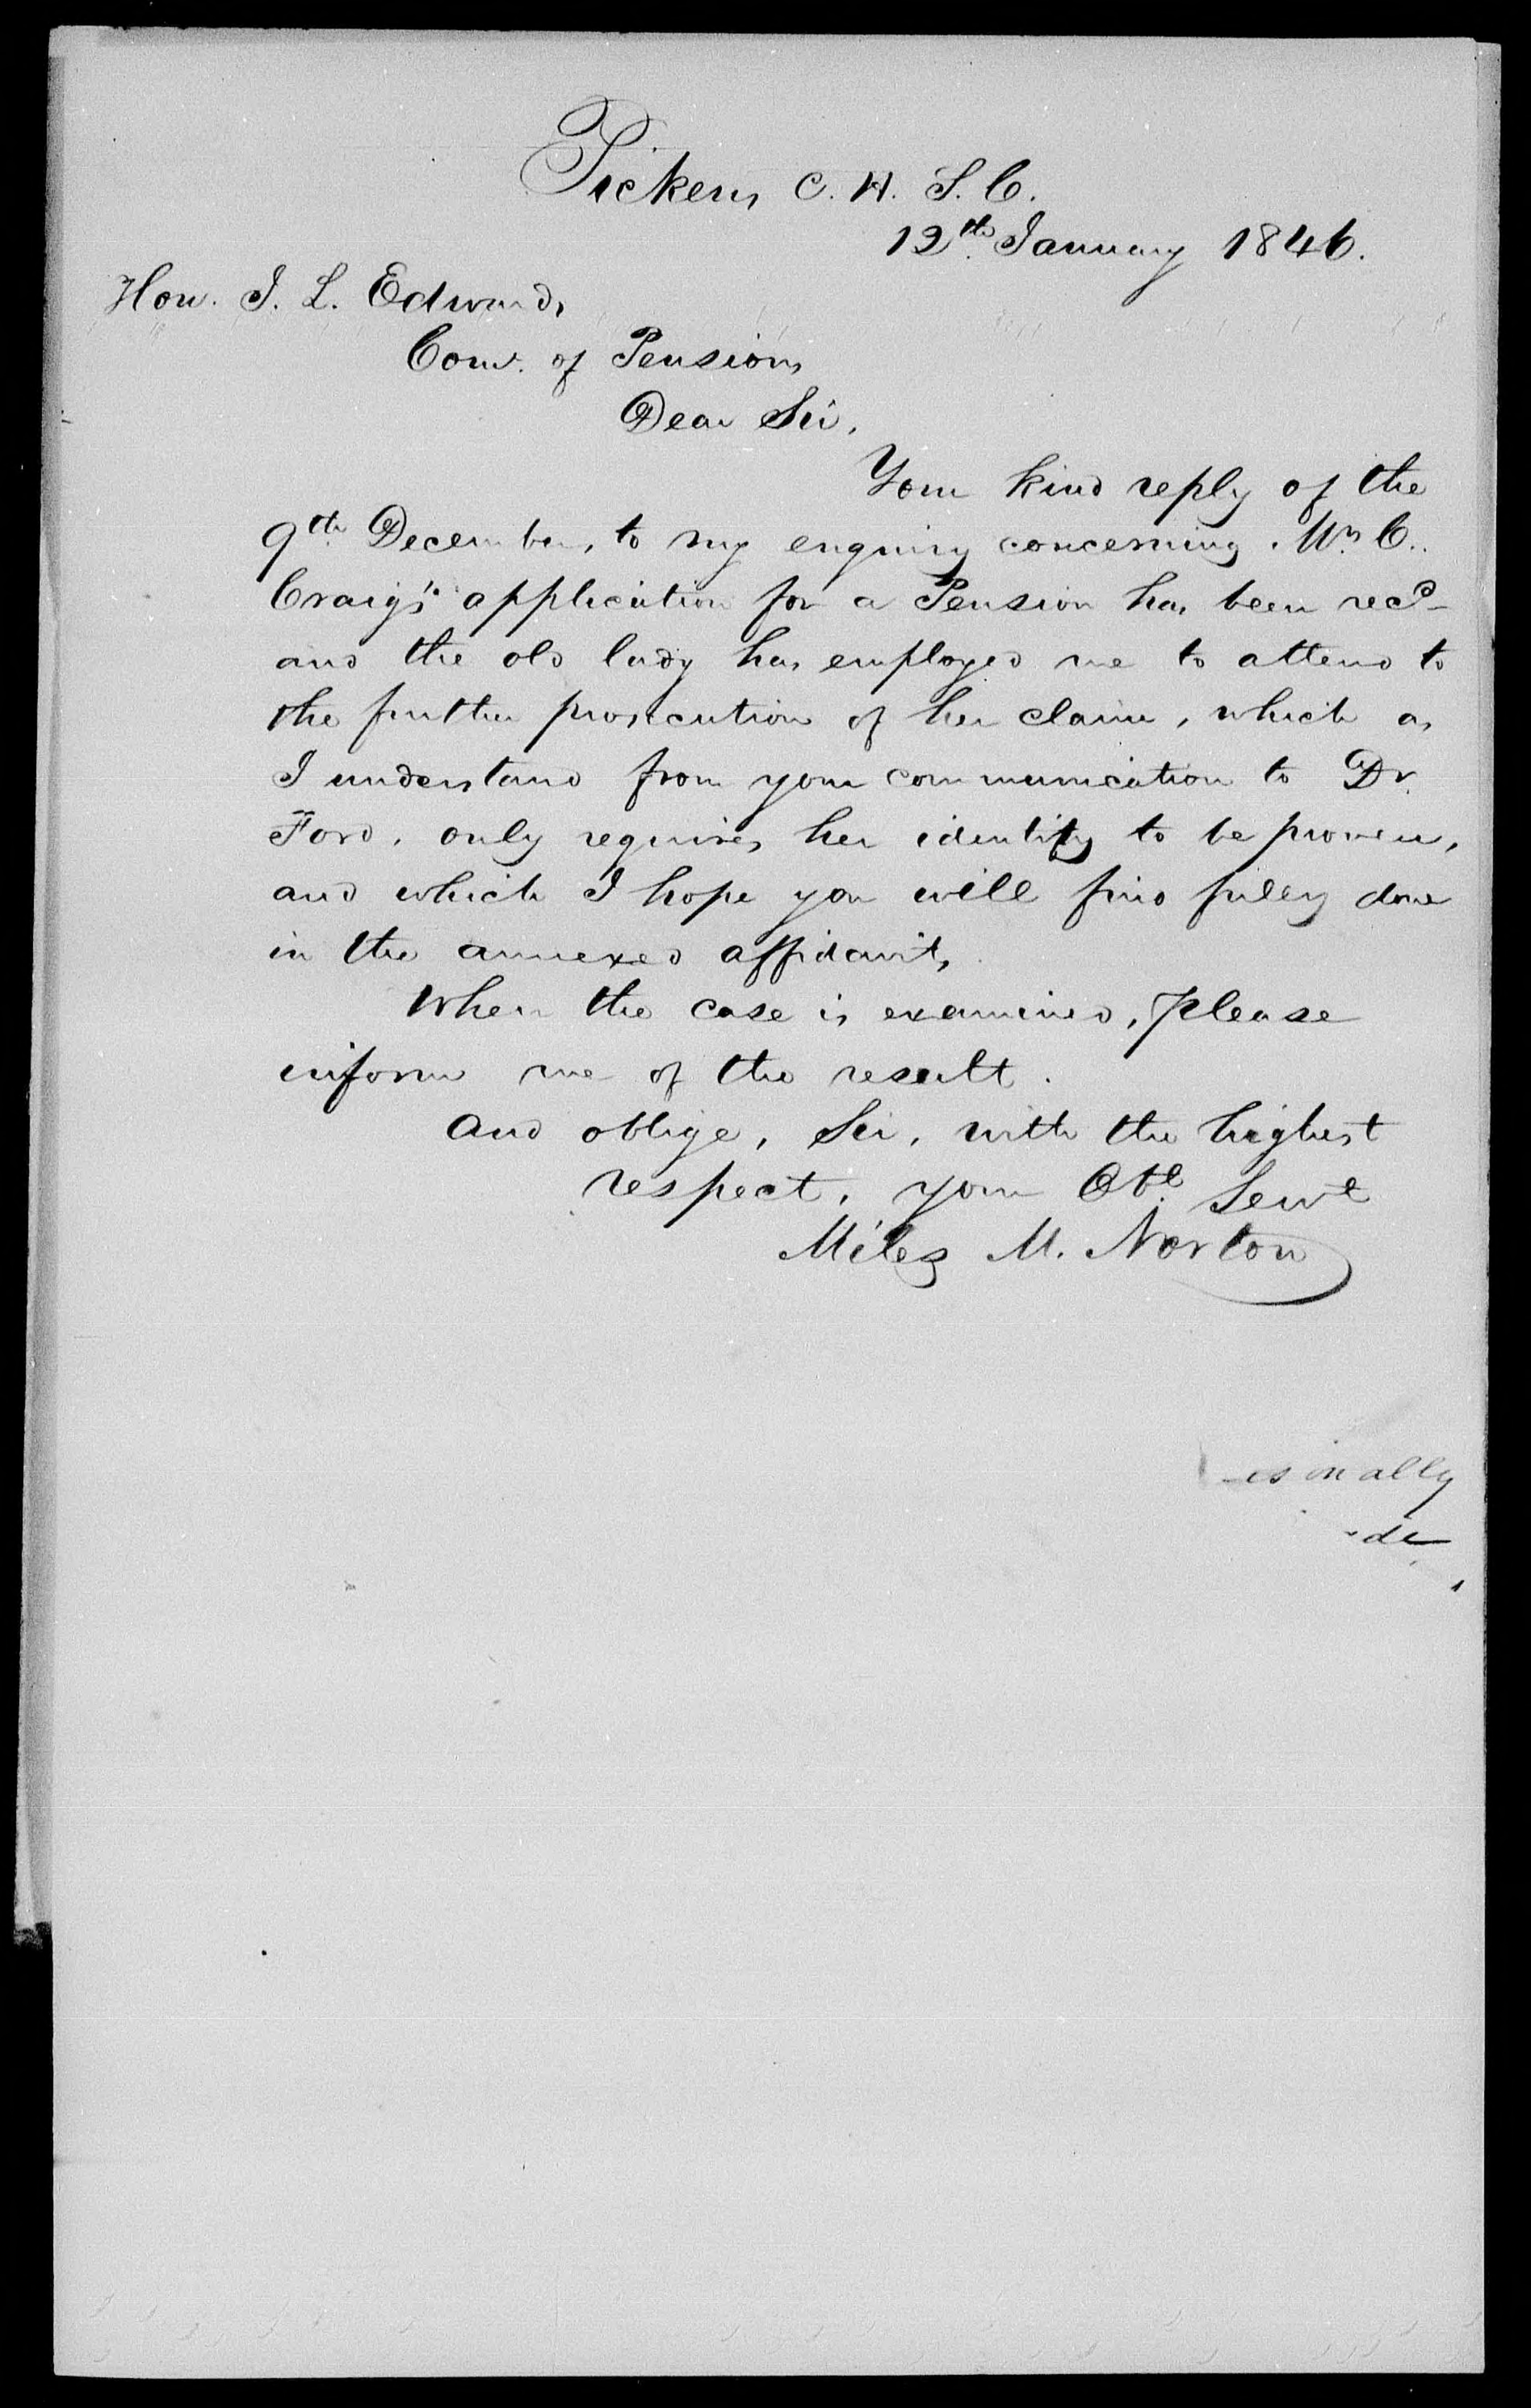Pickens C. H. S. C
12th January 1846
Hon. J. L. Edwards
Court of Pensions
Dear Sir,

Your kind reply of the 9th December, to my enquiry concerning Wm. C. Craig's application for a Pension has been recd and the old lady has employed me to attend to the further prosecution of her claim, which as I understand from your communication to Dr. Ford, only requires her identity to be proven, and which I hope you will find fully done in the annexed affidavit.
When the case is examined, please
inform me of the result
and oblige, Sir, with the highest respect, 
your Obt Servt

Miles M. Norton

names: C Craig, J L Edwards, Miles M Norton, Ford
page: 55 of 55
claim: widow's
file: W. 22864, John Craig, S.C. Born In Iceland